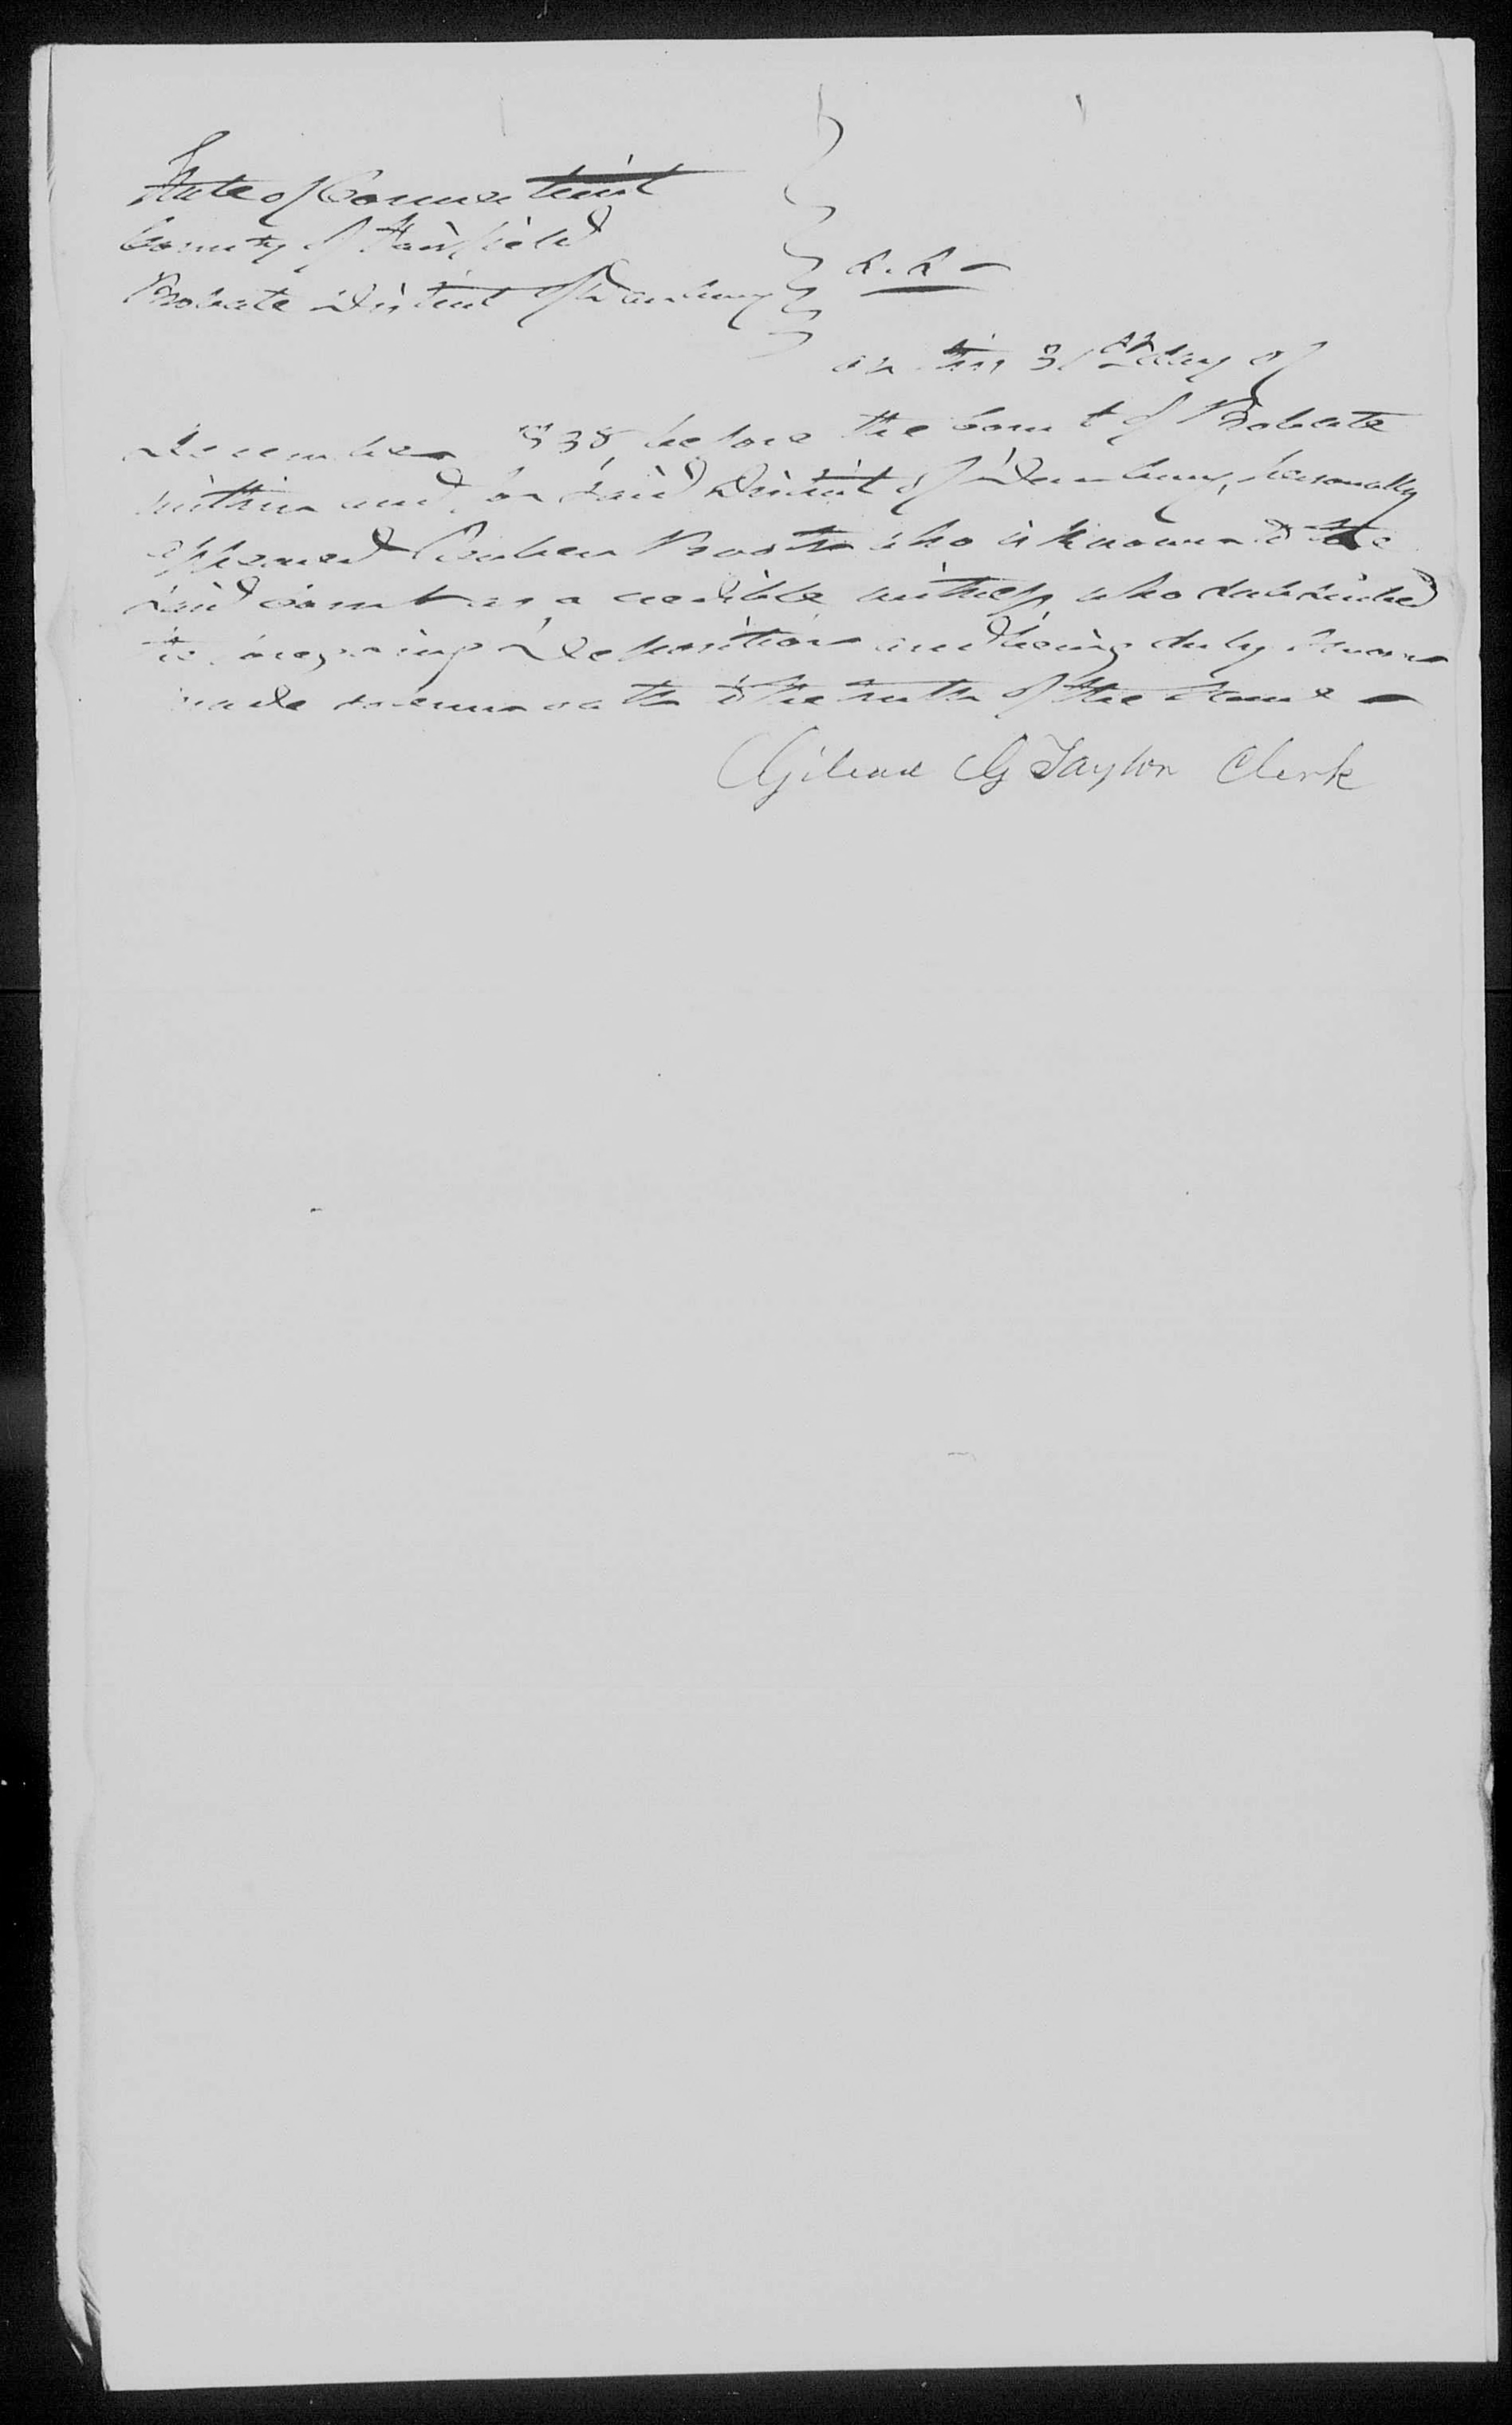State of Connecticut          }
County of Fairfield              }
Probate District of Danbury}  S.S-
                              On this 31st  day of
December 1538 before the Court of Probate
within & for said District of Danbury personally
appeared Reuben Booth who is known to the
said court as a credible witness who subscribed
to signing sd deposition ?????????????????
???????? truth of the same
               Gilead G Taylor Clerk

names: Gilead G Taylor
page: 22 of 56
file: [ILLEGIBLE], Jonah Benedict, Conn.